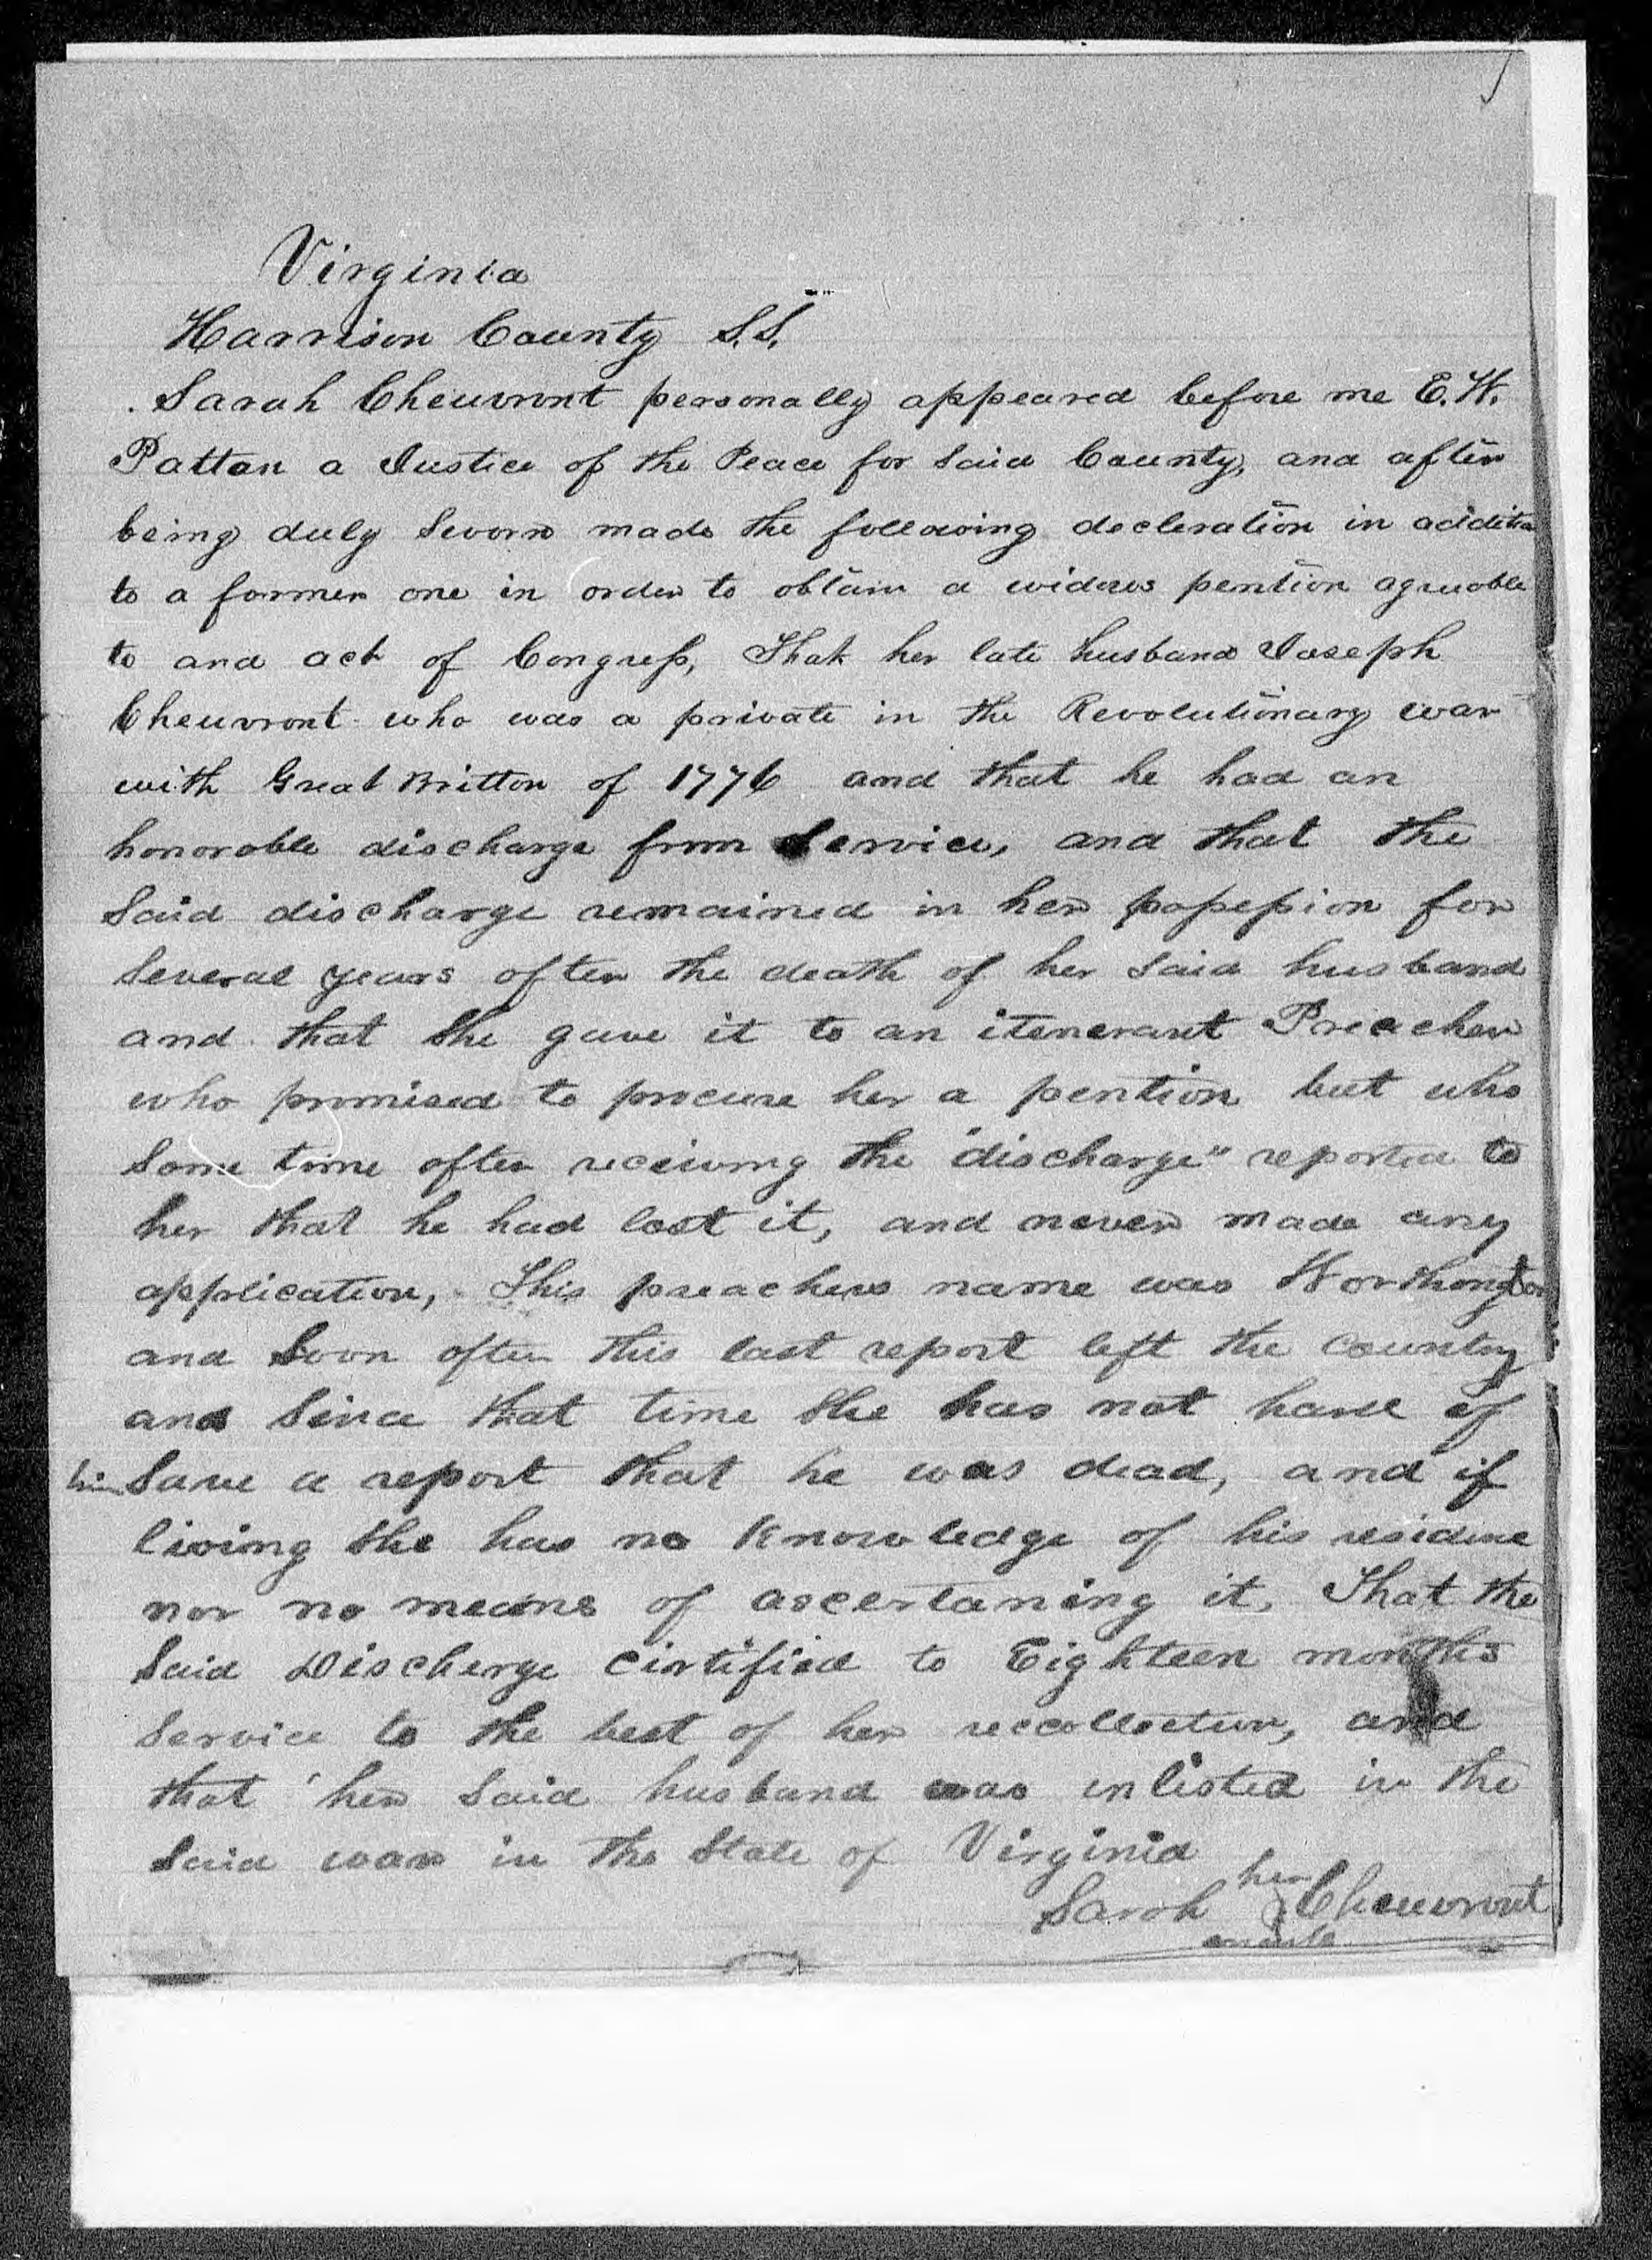Virginia
Harrison County, S.S.
Sarah Cheuvront personally appeared before me C.W. 
Patton a Justice of the Peace for the Said County, and after 
being duly sworn made the following declaration in addition 
to a former one in order to obtain a widows pention agreeable 
to and ask of Congress, that her late husband Joseph 
Cheuvront who was a private in the Revolutionary war 
with Great Britton of 1776 and that he had an 
honorable discharge from service, and that the 
said discharge remained in her possession for 
several years after the death of her said husband 
and that she gave it to an itinerant Preacher 
who promised to secure her a pention but who 
Some time after receiving the "discharge" report to 
her that he had lost it, and never made any 
application, This preachers name was Worthington 
and soon after this last report left the country 
and since that time she has not heard of him
save a report that he was dead, and if 
living she has no knowledge of his residence 
nor no means of ascertaining it, that the 
said Discharge Certificate to Eighteen months
service to the best of her recollection, and
that her said husband was enlisted in the 
said war in the State of Virginia
Sarah [his wife] Cheuvront ┃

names: Joseph Cheuvront, E W Patton, Sarah Cheuvront, Sarah Cheuvront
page: 2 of 21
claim: rejected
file: R. 1,907, Joseph Cheuvront, Va.